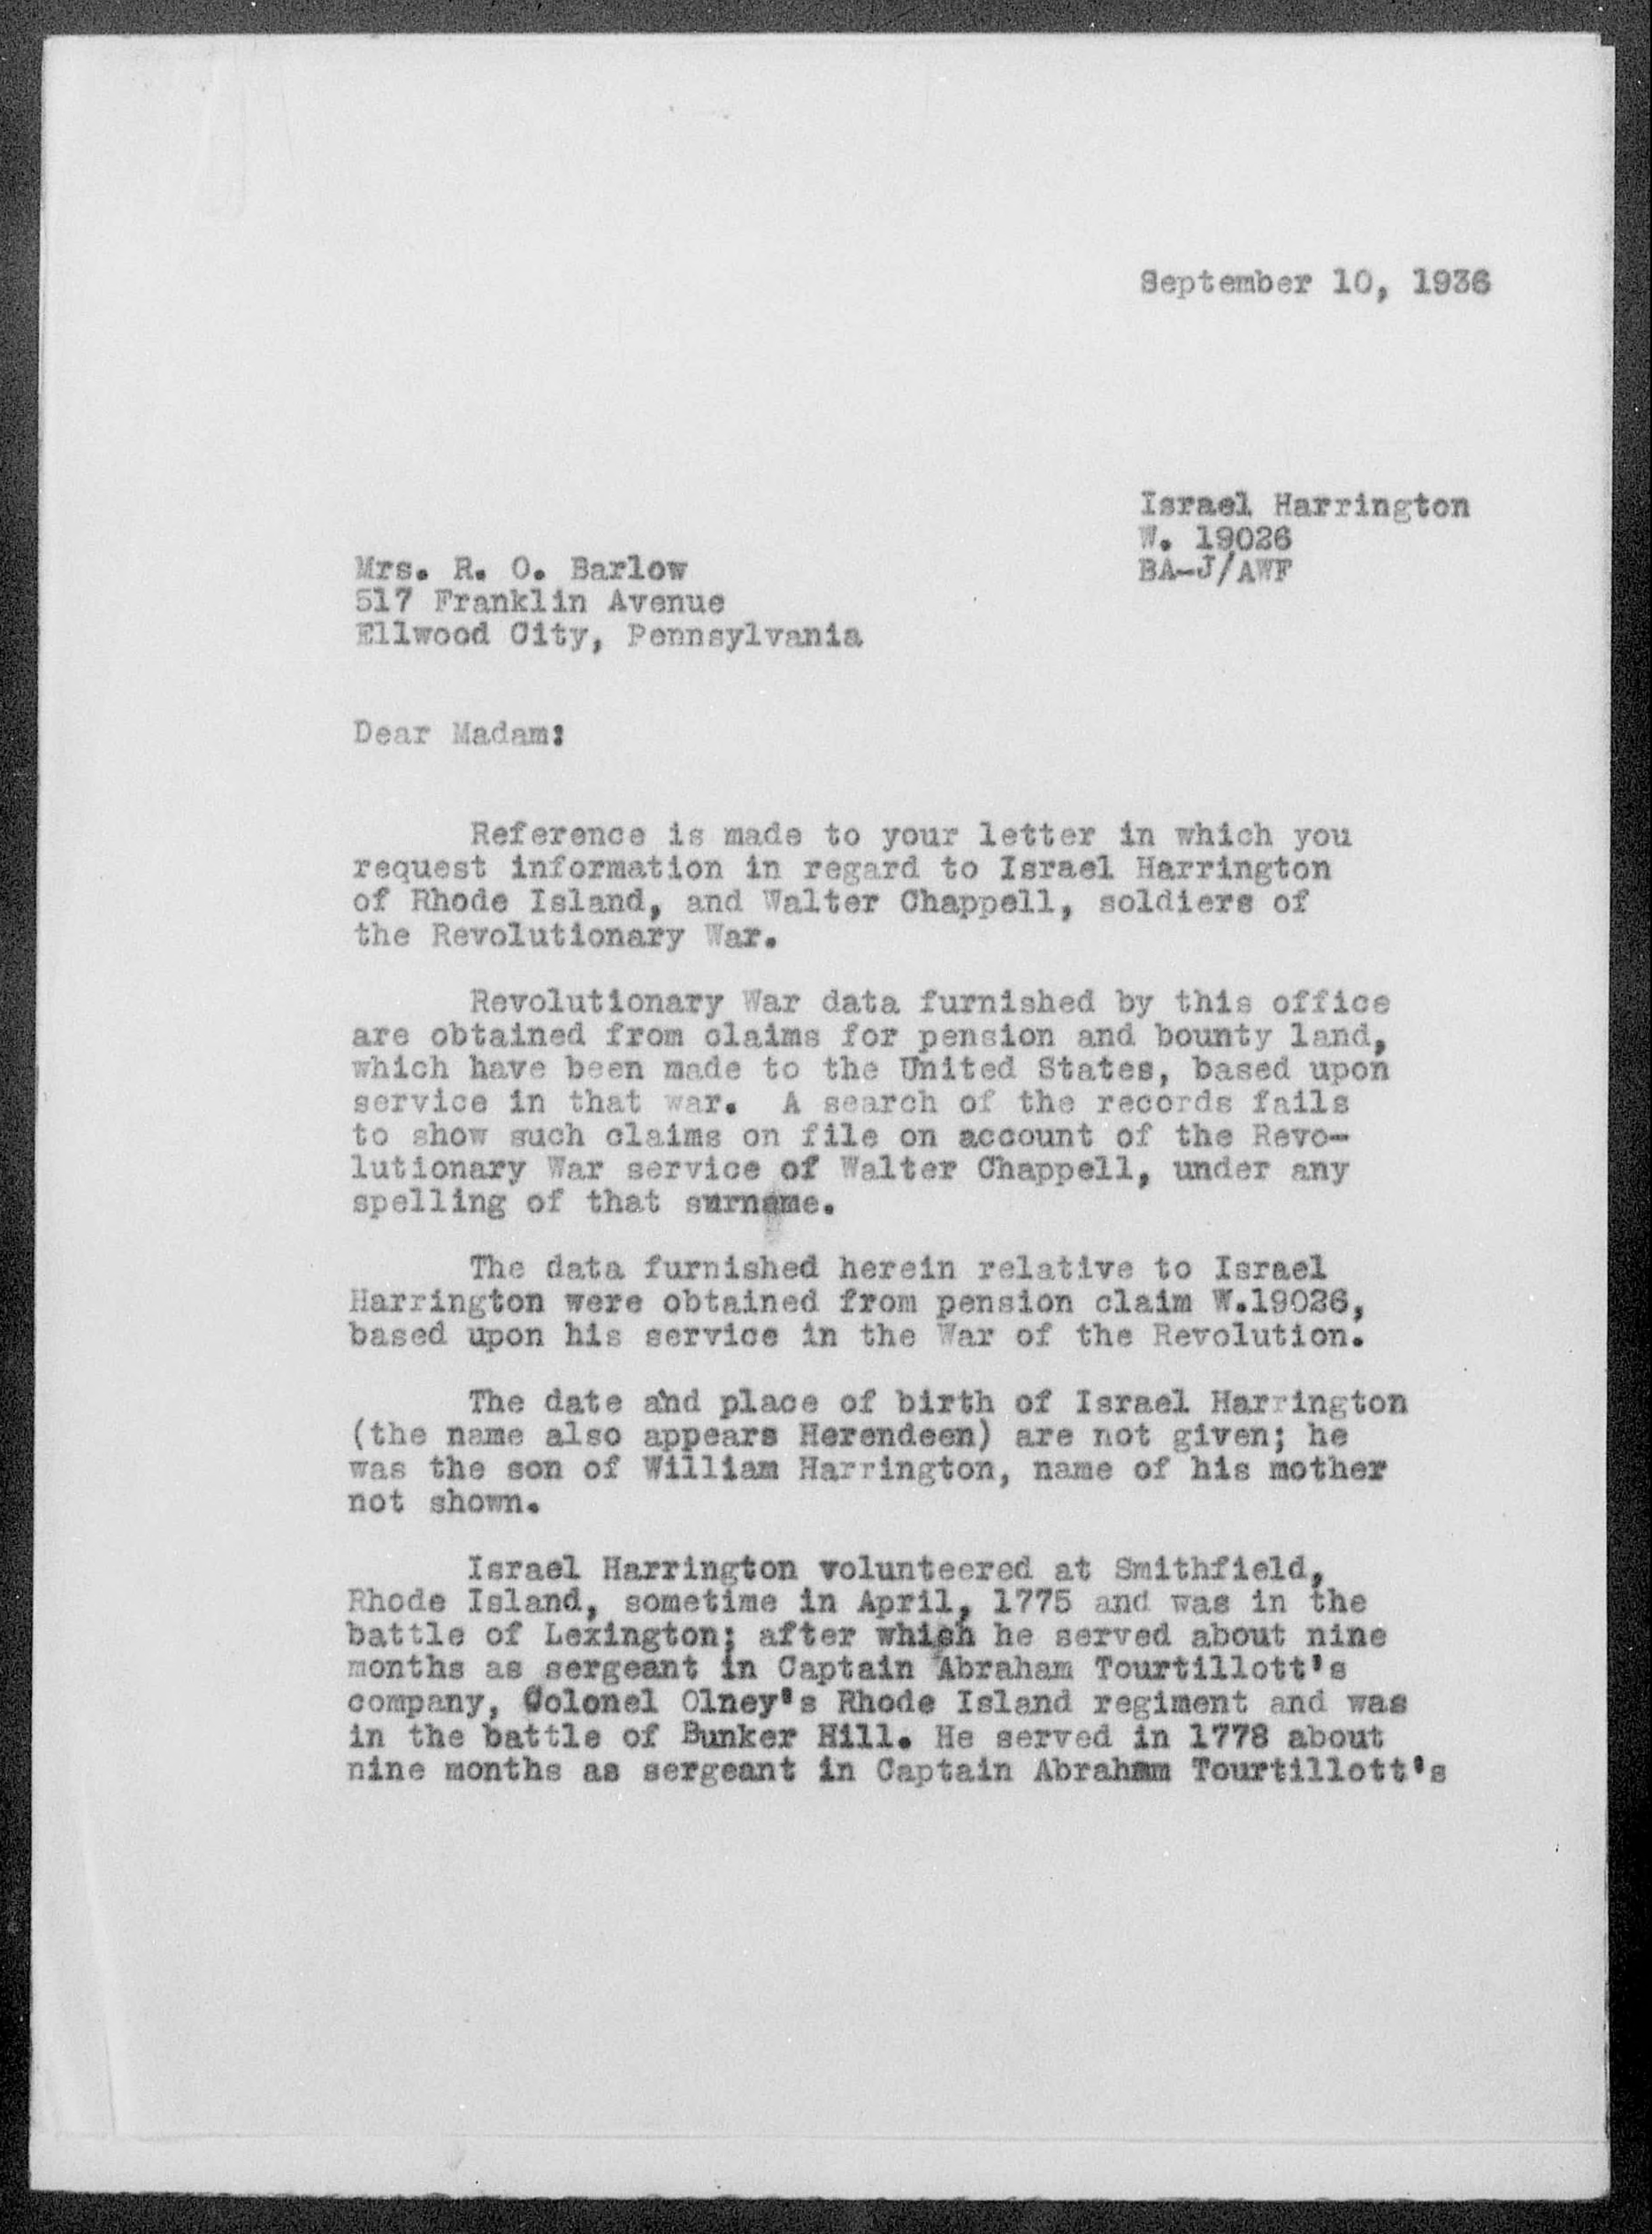September 10, 1936

Israel Harrington
W. 19206
BA-J/AWF

Mrs. R. O. Barlow
517 Franklin Avenue
Ellwood City, Pennsylvania

Dear Madam:

Reference is made to your letter in which you request information in regard to Israel Harrington of Rhode Island, and Walter Chappell, soldiers of the Revolutionary War.

Revolutionary War data furnished by this office are obtained from claims for pension and bounty land, which have been made to the United States, based upon service in that war.  A search of the records fails to show such claims on file on account of the Revolutionary War service of Walter Chappell, under any spelling of that surname.

The data furnished herein relative to Israel Harrington were obtained from pension claim W. 19026, based upon his service in the War of the Revolution.

The data and place of birth of Israel Harrington (the name also appears Herendeen) are not given; he was the son of William Harrington, name of the mother not shown.

Israel Harrington volunteered at Smithfield, Rhode Island, sometime in April, 1775 and was in the battle of Lexington; after which he served above nine months as sergeant in Captain Abraham Tourtillott's company, Colonel Olney's Rhode Island regiment and was in the battle of Bunker Hill. He served in 1778 about nine months as sergeant in Captain Abraham Tourtillott's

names: Israel Harrington, William Harrington, Herendeen, Walter Chappell, R O Barlow, Israel Harrington, Walter Chappell, Israel Harrington, Israel Harrington, Israel Harrington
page: 12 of 51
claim: widow's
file: W. 19,026, Israel Harrington, R.I.